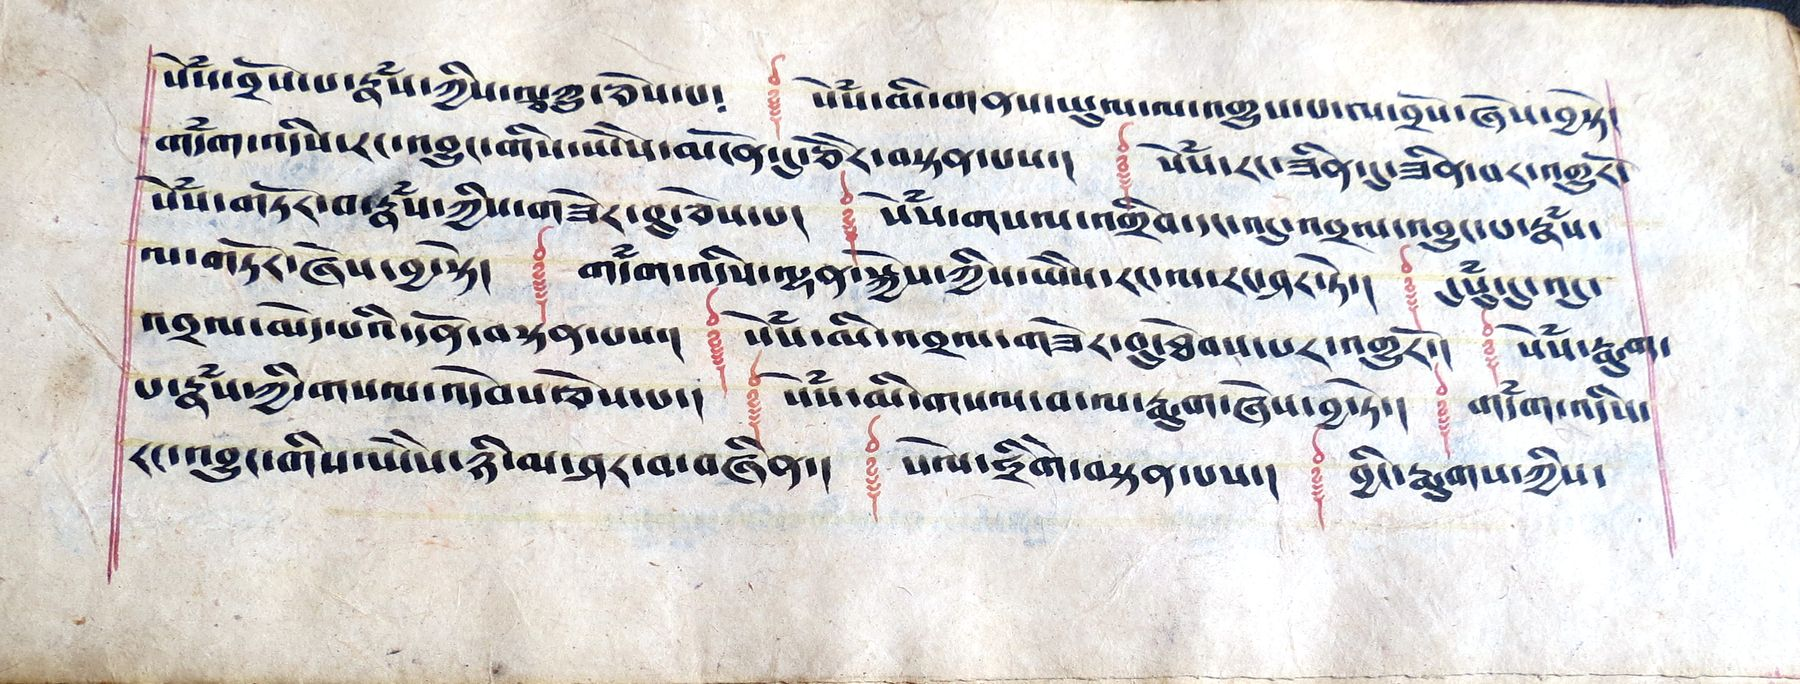སེམས་བྲོས་པ་རྣམས་ཀྱི་ལྕགས་ཀྱུ། །ཞེས་པས། སེམས་མི་གནས་ཡུལ་ལ་འགྱུས་པ་ལ་བྲོས་ཞེས་བྱ་སྟེ། 
གདམས་ངག་འདིས་རང་འབྱུང་གི་ཡེ་ཤེས་མངོན་དུ་ཅེར་རེ་བསྟན་པས། སེམས་རང་ཟིན་དུ་ཟིན་པར་འགྱུར་རོ། །
སེམས་སྟོར་བ་རྣམས་ཀྱི་གཟེར་བུ། །ཞེས་པས། སེམས་གསལ་འགྲིབ་དང་འདུ་འབྲལ་འབྱུང་པ་རྣམས་
ལ་སྟོར་ཞེས་བྱ་སྟེ། གདམས་ངག་འདིས་ལྷན་སྐྱེས་ཀྱི་ཡེ་ཤེས་རང་ལ་རང་ཤར་ཏེ། དུས་གསུམ་དུ་འདུ་
འབྲལ་མེད་པའི་དོན་བསྟན་པས། སེམས་མི་འབྲལ་གཟེར་དུ་ཐེབས་པར་འགྱུར་རོ། །སེམས་རྨུགས་
པ་རྣམས་ཀྱི་གསལ་འདེབས། །ཞེས་པས་སེམས་མི་གསལ་བ་ལ་རྨུགས་ཅེས་བྱ་སྟེ། གདམས་ངག་འདིས་
རང་འབྱུང་གི་ཡེ་ཤེས་ཉི་མ་ཤར་བ་བཞིན། སལེ་ཧྲིག་གེར་བསྟན་པས། བྱིང་རྨུགས་ཀྱིས་